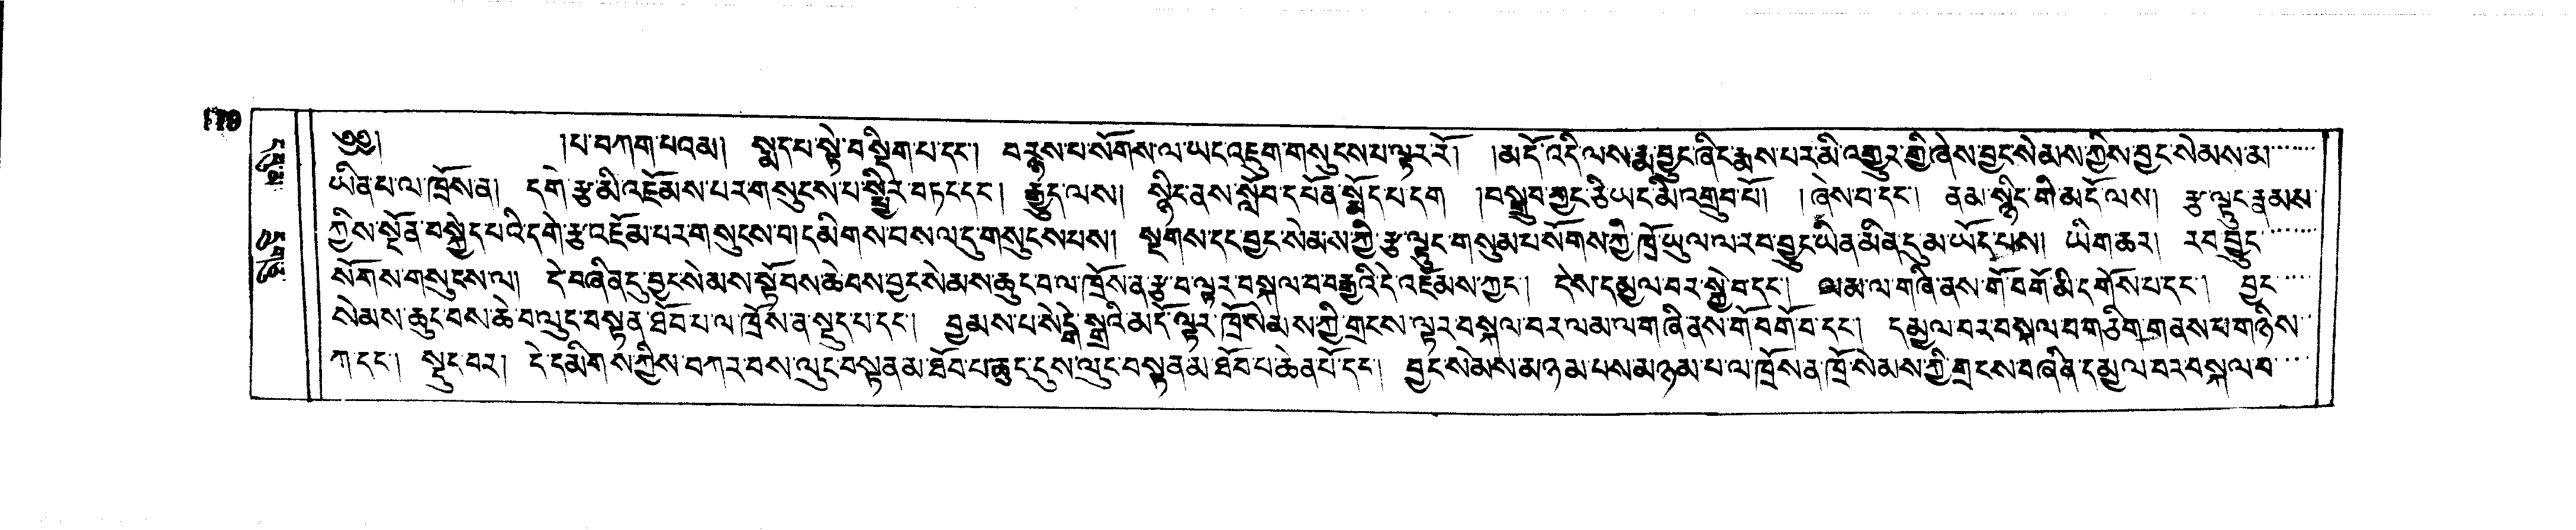༄༅། །པ་བཀག་པའམ། སྨད་པ་སྟེ་བསྡིག་པ་དང་། བརྙས་པ་སོགས་ལ་ཡང་འཇུག་གསུངས་པ་ལྟར་རོ། །མདོ་འདི་ལས་རྨ་བྱང་ཞིང་རྨས་པར་མི་འགྱུར་གྱི་ཞེས་བྱང་སེམས་ཀྱིས་བྱང་སེམས་མ་
ཡིན་པ་ལ་ཁྲོས་ན། དགེ་རྩ་མི་འཇོམས་པར་གསུངས་པ་སྤྱིར་བཏང་དང་། རྒྱུད་ལས། སྙིང་ནས་སློབ་དཔོན་སྨོད་པ་དག །བསྒྲུབ་ཀྱང་ཅི་ཡང་མི་འགྲུབ་པོ། །ཞེས་པ་དང་། ནམ་སྙིང་གི་མདོ་ལས། རྩ་ལྟུང་རྣམས་
ཀྱིས་སྔོན་བསྐྱེད་པའི་དགེ་རྩ་འཇོམ་པར་གསུངས་པ། དམིགས་བསལ་དུ་གསུངས་པས། སྔགས་དང་བྱང་སེམས་ཀྱི་རྩ་ལྟུང་གསུམ་པ་སོགས་ཀྱི་ཁྲོ་ཡུལ་ལ་རབ་བྱུང་ཡིན་མིན་དུ་མ་ཡོད་པས། ཡིག་ཆར། རབ་བྱུང་
སོགས་གསུངས་ལ། དེ་བཞིན་དུ་བྱང་སེམས་སྟོབས་ཆེ་བས་བྱང་སེམས་ཆུང་བ་ལ་ཁྲོས་ན་རྩ་བ་ལྟར་བསྐལ་བ་བརྒྱའི་དེ་འཇོམས་ཀྱང་། དེས་དམྱལ་བར་སྐྱེ་བ་དང་། ལམ་ལ་གཞི་ནས་གོ་བགོ་མི་དགོས་པ་དང་། བྱང་
སེམས་ཆུང་བས་ཆེ་བ་ལུང་བསྟན་ཐོབ་པ་ལ་ཁྲོས་ན་སྡུད་པ་དང་། བྱམས་པ་སེངྒེ་སྒྲའི་མདོ་ལྟར་ཁྲོ་སེམས་ཀྱི་གྲངས་ལྟར་བསྐལ་བར་ལམ་ལ་གཞི་ནས་གོ་བགོ་བ་དང་། དམྱལ་བར་བསྐལ་བ་གཅིག་གནས་པ་གཉིས་
ཀ་དང་། སྡུད་པར། དེ་དམིགས་ཀྱིས་བཀར་བས་ལུང་བསྟན་མ་ཐོབ་པ་ཆུང་དུས་ལུང་བསྟན་མ་ཐོབ་པ་ཆེན་པོ་དང་། བྱང་སེམས་མཉམ་པས་མཉམ་པ་ལ་ཁྲོས་ན་ཁྲོ་སེམས་ཀྱི་གྲངས་བཞིན་དམྱལ་བར་བསྐལ་བ་